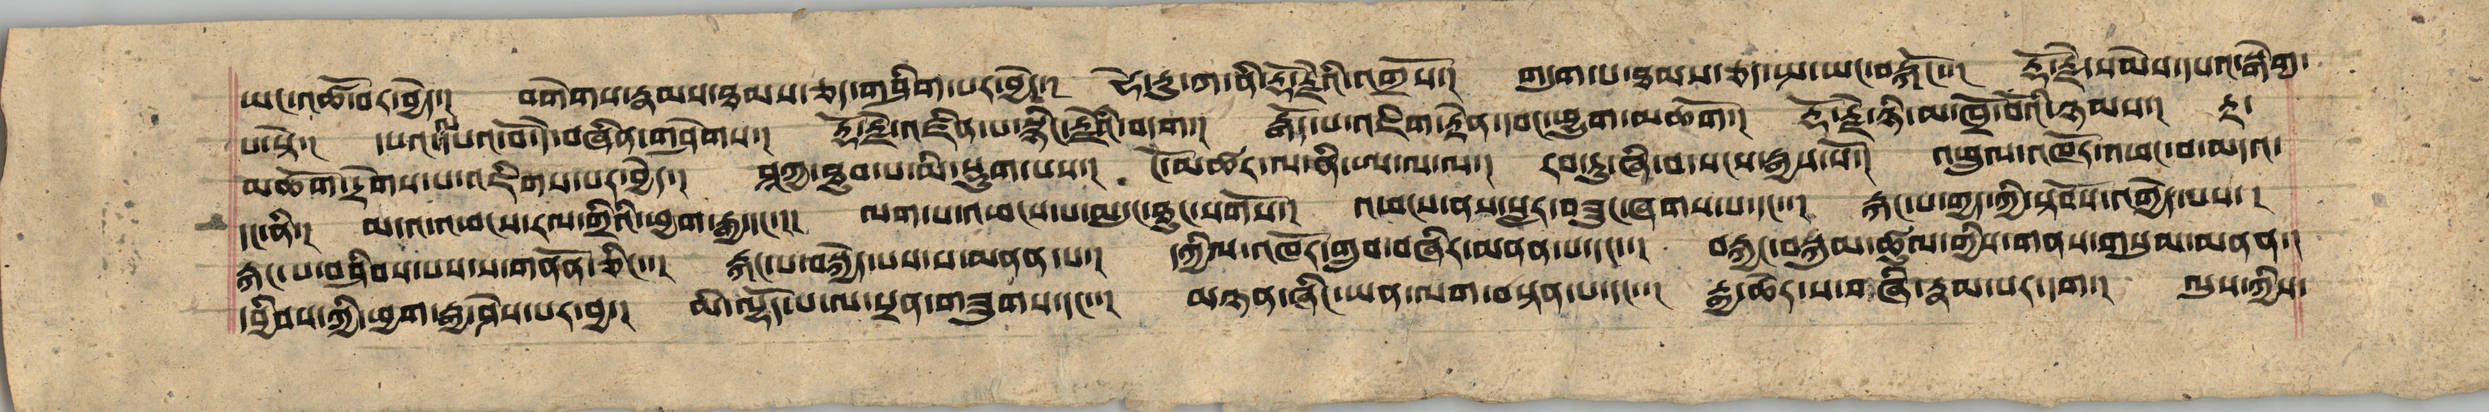ཡང་འཚོ་བར་བྱེད་། བགེགས་རྣམས་ཐམས་ཅད་གཤིག་པར་བྱེད་། ཧེ་རུ་ཀ་ནི་རྡོ་རྗེའི་འགྲོས་། གདུག་པ་ཐམས་ཅད་སྤ་ཡང་བརྐོང་་། རྡོ་རྗེ་སེམས་དཔའ་སྒེག་
པ་སྟེ་། དཔའ་ལ་དཔའ་བོ་དེ་བཞིན་གཤེགས་། རྡོ་རྗེ་འཛིན་པ་སྙིང་རྗེའི་བདག།། རྒོད་པ་འཇིག་རྟེན་དབང་ཕྱུག་མཆོག་། རྡོ་རྗེ་ཉི་མ་ཁྲོ་བོའི་ཉམས་། རྟ་
མཆོག་དྲེགས་པ་འཇིག་པར་བྱེད་། ཤཱཀྱ་ཐུབ་པ་མི་སྡུག་པས་། ངོ་མཚར་ལ་ནི་ཨ་ལ་ལ། རབ་ཏུ་ཞི་བ་སངས་རྒྱས་སོ་། འཕྲུལ་འཁོར་འཕང་བ་མདའ་
དང་ནི་། མདའ་འཕངས་རལ་གྲིའི་ཕྱག་རྒྱ་དང་་། ལག་པ་འཕངས་པ་མདུང་ཐུང་སོགས་། འཕངས་ནས་སླར་བཟུང་ཞགས་པ་དང་་། རྐང་པ་གྱད་ཀྱི་སྟོབས་འགྱེད་པས་ །
རྐང་པ་བཤིབས་པས་ས་གནོན་ཅིང་་། རྐང་པ་བསྐྱེད་པས་ས་མནན་པ་། དཀྱིལ་འཁོར་གྲུབ་བཞིར་མནན་པ་དང་་། བརྐྱང་བསྐུམ་ཚུལ་གྱིས་གནས་གསུམ་མནན་།
དབྱིབས་ཀྱི་ཕྱག་རྒྱ་ཤེས་པར་བྱ་། མི་ལྷོད་པ་ལ་སྲན་གཟུགས་དང་་། མཉན་ཞིང་ཡན་ལག་བསྟན་པ་དང་་། རྒྱ་ཆེར་ས་གཞི་རྣམ་པར་དག་། ལུས་ཀྱིས་